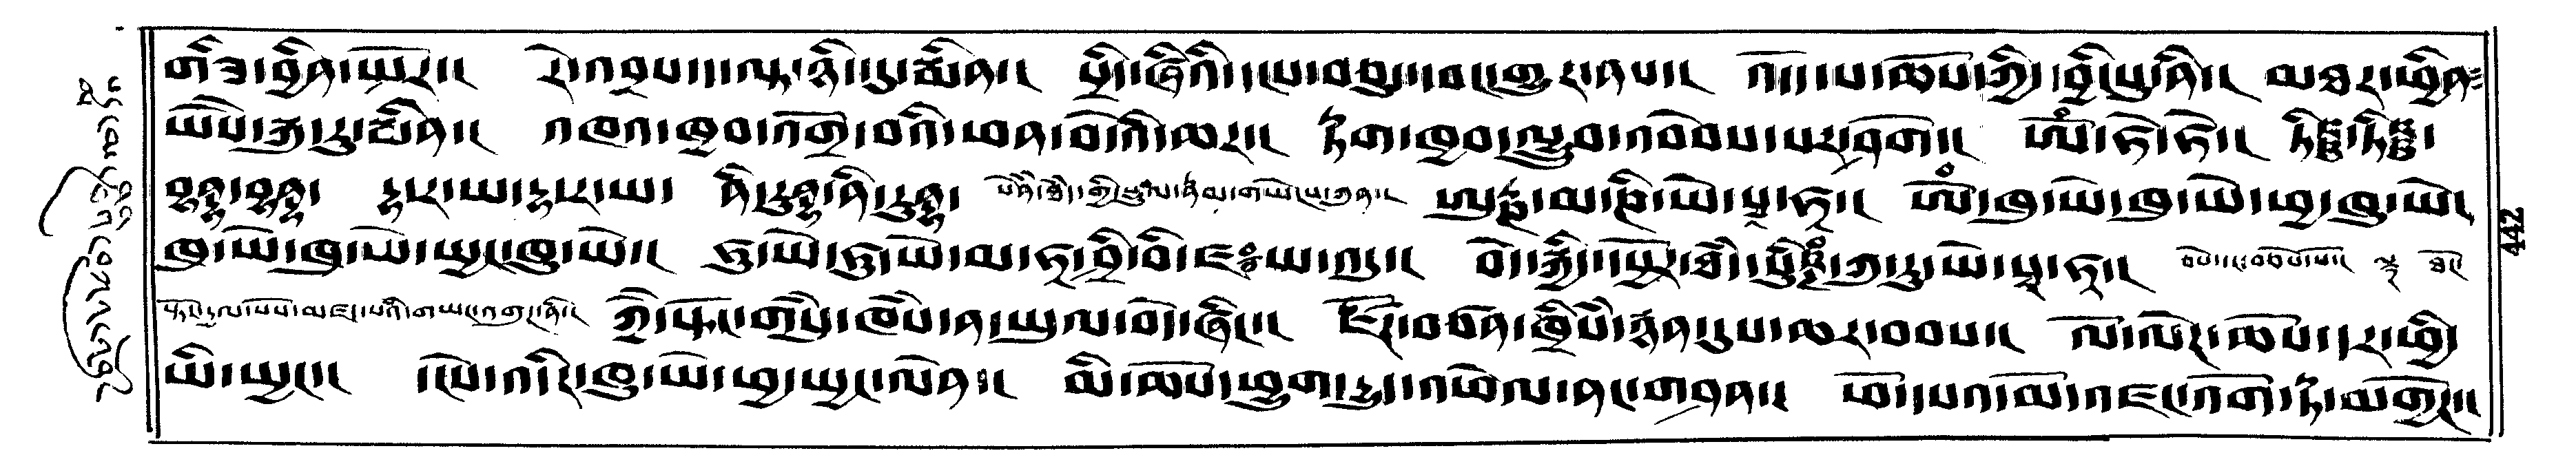གཟི་བྱིན་སྤོར། རེ་འབྲས་ད་ལྟ་ཉིད་དུ་སྨིན། །སྲིད་ཞིའི་དྭངས་བཅུད་དབང་གྱུར་ནས། །འདོད་པ་ཆོས་ཀྱི་དབྱིངས་སུ་ནི། །མཐར་ཕྱིན་
ཡེ་ཤེས་སྐུ་རུ་སྨིན། །མཁའ་ཁྱབ་འགྲོ་བའི་ཕན་བདེའི་ཆར། །རྟག་ཁྱབ་ལྷུན་གྲུབ་འབེབས་པར་ཤོག །ཨོཾ་ཧེ་ཧེ། ཏིཥྛ་ཏིཥྛ་
བྷནྡྷ་བྷནྡྷ། དྷ་ར་ཡ་དྷ་ར་ཡ། ནི་རུནྡྷ་ནི་རུནྡྷ། སེམས་ཅན་ཐམས་ཅད་ཀྱི་སྡུག་བསྔལ་རྣམ་གཡེངས་ཀུན། ཨུརྞ་མ་ཎི་ཡེ་སྭ་ཧཱ། ཨོཾ་ཁུ་ཡེ་ཁུ་ཡེ་ཕྱྭ་ཁུ་ཡེ་
ཁུ་ཡེ་ཁུ་ཡེ་གཡང་ཁུ་ཡེ། ཧུ་ཡེ་ཧུ་ཡེ་མ་ཧཱ་ཤྲི་བི་ཛཿཡ་འདུ། བདེ་སྐྱིད་དཔལ་འབྱོར་ཐམས་ཅད་པུཥྚིཾ་ཀུ་རུ་ཡེ་སྭ་ཧཱ། ཞེས་སོ། ༈ ཐང་
སྟོང་རྒྱལ་པོས་མཛད་པའི་གཡང་འགུགས་ནི། ཀྱཻ་སྟོང་གསུམ་ཁམས་ན་ཡུལ་བདེ་ཞིང་། རྫོང་བཙན་ཁྲིམས་གཉན་དུས་ཆར་བབ། །ལོ་ལེགས་ཆོས་དར་ཕྱི་
ཡི་གཡང་། །དེང་འདིར་ཁུ་ཡེ་ཕྱྭ་གཡང་ལེན། །མི་ཆོས་ཕྱུགས་རྒྱུད་འཕེལ་ནང་གཤིན། ཕོ་དཔའ་མོ་མཛངས་འོག་རྟ་མགྱོགས། །